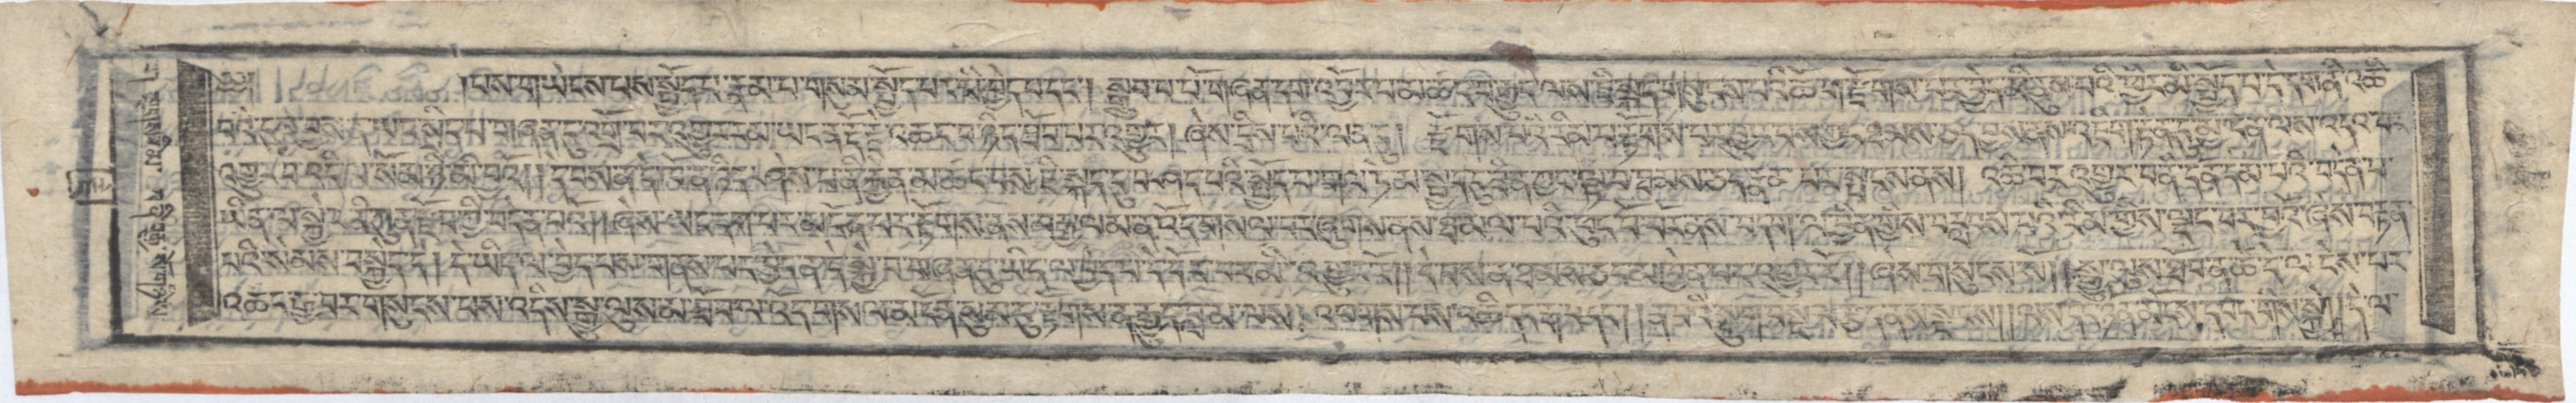༄༅། །པས་གཡེངས་པས་སྤྱོད་པ་རྣམ་པ་གསུམ་སྤྱོད་པར་མི་བྱེད་པ་དང་། སྒྲུབ་པ་པོ་གཞན་དག་འབྱོར་པ་མ་ཚང་བ་རྒྱུད་ལས་ཇི་སྐད་གསུངས་པའི་ཆོ་ག་རྫོགས་པར་བྱེད་མི་ནུས་པའི་ཕྱིར་མི་སྤྱོད་པ་དེ་དག་ནི་འཆི་
བའི་དུས་བྱས་ན་ཡང་སྲིད་པ་གཞན་དུ་འགྲོ་བར་འགྱུར་རམ་ཡང་ན་རྡོ་རྗེ་འཆང་བ་ཉིད་ཐོབ་པར་འགྱུར། ཞེས་དྲིས་པའི་ལན་དུ། རྫོགས་པའི་རིམ་པ་རྟོགས་པར་གྱུར་པས་ཀྱང་ཐམས་ཅད་བྱས་ནས་འཇིག་རྟེན་དུ་མྱ་ངན་ལས་འདའ་བར་
འགྱུར་བ་འདི་ལ་སོམ་ཉི་མི་བྱའོ། །དེ་བས་ན་དེ་ཁོ་ན་ཉིད་ཤེས་པ་ནི་རྐྱེན་མ་ཚང་བས་ཇི་སྐད་དུ་བཤད་པའི་སྤྱོད་པ་གལ་ཏེ་མ་སྤྱད་དུ་ཟིན་ཀྱང་ལྟ་བ་ཐམས་ཅད་རྣམ་པར་སྤངས་ནས། འཆི་བར་འགྱུར་བ་ནི་དོན་དམ་པའི་བདེན་པ་
ཡིན་ལ་སྐྱེ་བ་ནི་ཀུན་རྫོབ་ཀྱི་བདེན་པའོ། །ཞེས་ཡང་དག་པར་མངོན་པར་རྟོགས་ནས་བརྒྱ་ལམ་ན་འོད་གསལ་བར་ཞུགས་ནས་ཐ་མལ་པའི་ཕུང་པོ་བོར་ནས་བདག་ལ་བྱིན་གྱིས་བརླབས་པའི་རིམ་གྱིས་ལྡང་བར་བྱའོ་ཞེས་བརྟན་
པའི་སེམས་བསྐྱེད་དེ། དེ་ཡིད་ལ་བྱེད་པས་གནས་པར་བྱེད་ན་དེ་སྐྱེ་བ་གཞན་དུ་ཡིད་ལ་བྱེད་པ་དེ་དོར་བར་མི་འགྱུར་རོ། །དེ་བས་ན་ཐམས་ཅད་མཁྱེན་པར་འགྱུར་རོ། །ཞེས་གསུངས་སོ། །སྒྱུ་ལུས་ཐོབ་ན་ཚེ་དེ་ལ་ངེས་པར་
འཚང་རྒྱ་བར་གསུངས་པས་འདིས་སྒྱུ་ལུས་མ་ཐོབ་ལ་འོད་གསལ་མངོན་སུམ་དུ་རྟོགས་ན་རྒྱུད་བླ་མ་ལས། འཕགས་པས་འཆི་དང་རྒ་བ་དང་། །ན་བའི་སྡུག་བསྔལ་རྩད་ནས་སྡངས། །ལས་དང་ཉོན་མོངས་དབང་གིས་སྐྱེ། །དེ་ལ་